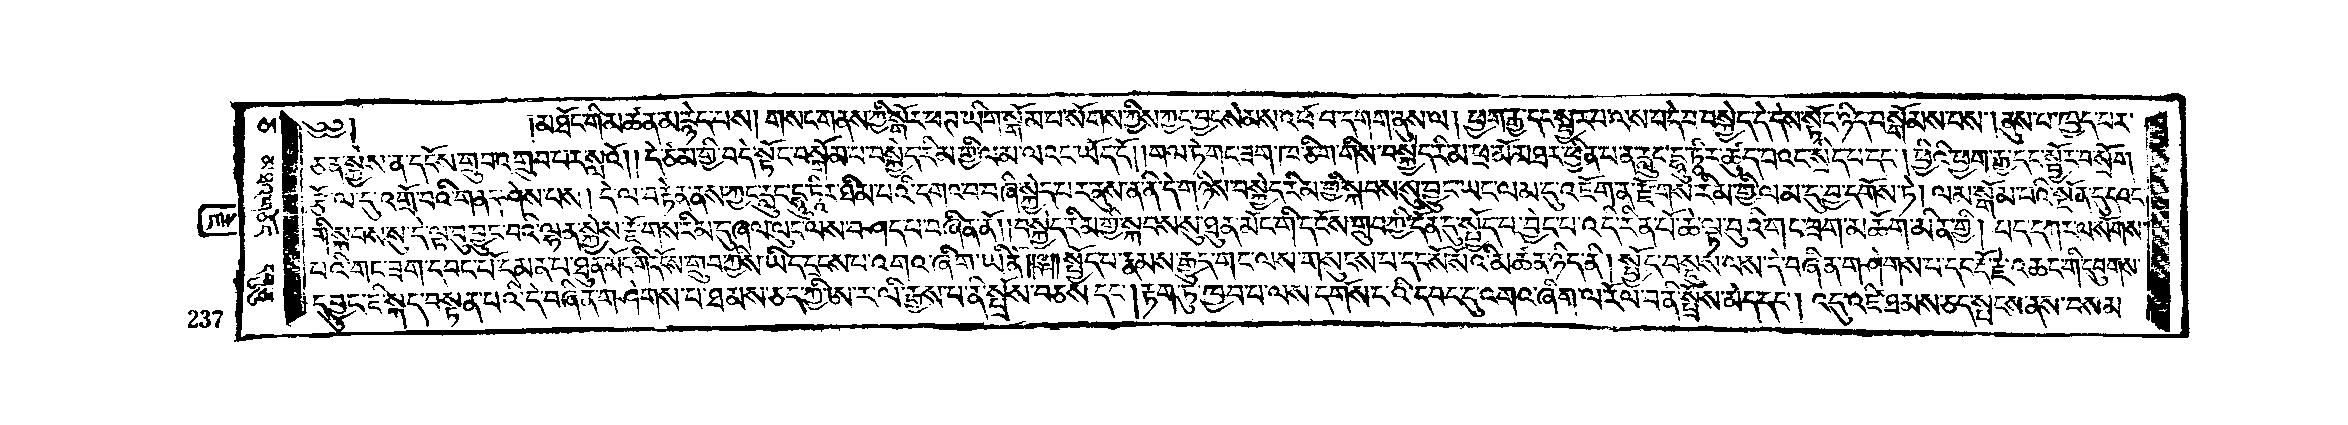༄༅། །མཐོང་གི་མཚན་མ་རྙེད་པས། གསང་གནས་ཀྱི་སྒོར་ཕགས་ཡིག་སྒོམ་པ་སོགས་ཀྱིས་ཀྱང་བྱང་སེམས་འཕོ་བ་དགག་ནུས་ལ། ཕྱག་རྒྱ་དང་སྦྱར་བ་ལས་བདེ་བ་བསྐྱེད་དེ་དེས་སྟོང་ཉིད་བསྒོམས་པས། ནུས་པ་ཁྱད་པར་
ཅན་སྐྱེས་ན་དངོས་གྲུབ་འགྲུབ་པར་སླའོ། །དེ་ཙམ་གྱི་བདེ་སྟོང་བསྒོམ་པ་བསྐྱེད་རིམ་གྱི་ལམ་ལའང་ཡོད་དོ། །གལ་ཏེ་གང་ཟག་ཁ་ཅིག་གིས་བསྐྱེད་རིམ་ཕྲ་མོ་མཐར་ཕྱིན་པ་ན་རླུང་དྷཱུ་ཏཱིར་ཚུད་པའང་སྲིད་པ་དང་། ཕྱིའི་ཕྱག་རྒྱ་དང་སྦྱོར་བ་སྲོག་
རྩོལ་དུ་འགྲོ་བའི་གནད་ཤེས་པས། དེ་ལ་བརྟེན་ནས་ཀྱང་རླུང་དྷཱུ་ཏཱིར་ཐིམ་པའི་དགའ་བ་བཞི་སྐྱེད་པར་ནུས་ན་ནི་དེ་གཉིས་བསྐྱེད་རིམ་གྱི་སྐབས་སུ་བྱུང་ཡང་ལམ་དུ་འཇོག་ན་རྫོགས་རིམ་གྱི་ལམ་དུ་བྱ་དགོས་ཏེ། ལམ་སྒོམ་པའི་སྔོན་དུ་དབང་
གི་སྐབས་སུ་དེ་ལྟ་བུ་བྱུང་བའི་ལྷན་སྐྱེས་རྫོགས་རིམ་དུ་ཞལ་ལུང་ལས་བཤད་པ་བཞིན་ནོ། །བསྐྱེད་རིམ་གྱི་སྐབས་སུ་ཐུན་མོང་གི་དངོས་གྲུབ་ཀྱི་དོན་དུ་སྤྱོད་པ་བྱེད་པ་འདི་རིན་པོ་ཆེ་ལྟ་བུའི་གང་ཟག་མཆོག་མིན་གྱི། པད་དཀར་ལ་སོགས་
པའི་གང་ཟག་དབང་པོ་དམན་པ་ཐུན་མོང་གི་དངོས་གྲུབ་ཀྱིས་ཡིད་དྲངས་པ་འགའ་ཞིག་ཡིན་ནོ།། ༈ །།སྤྱོད་པ་རྣམས་རྒྱུད་གང་ལས་གསུངས་པ་དང་སོ་སོའི་མཚན་ཉིད་ནི། སྤྱོད་བསྡུས་ལས་དེ་བཞིན་གཤེགས་པ་དང་རྡོ་རྗེ་འཆང་གི་དབུགས་
དབྱུང་ཇི་སྐད་བསྟེན་པའི་དེ་བཞིན་གཤེགས་པ་ཐམས་ཅད་ཀྱི་ཨ་ར་ལི་རྒྱས་པ་ནི་སྤྲོས་བཅས་དང་། རྟག་ཏུ་ཁྱབ་པ་ལས་དགོས་པའི་དབང་དུ་འགའ་ཞིག་ལ་རོལ་བ་ནི་སྤྲོས་མེད་དང་། འདུ་འཛི་ཐམས་ཅད་སྤངས་ནས་བསམ་